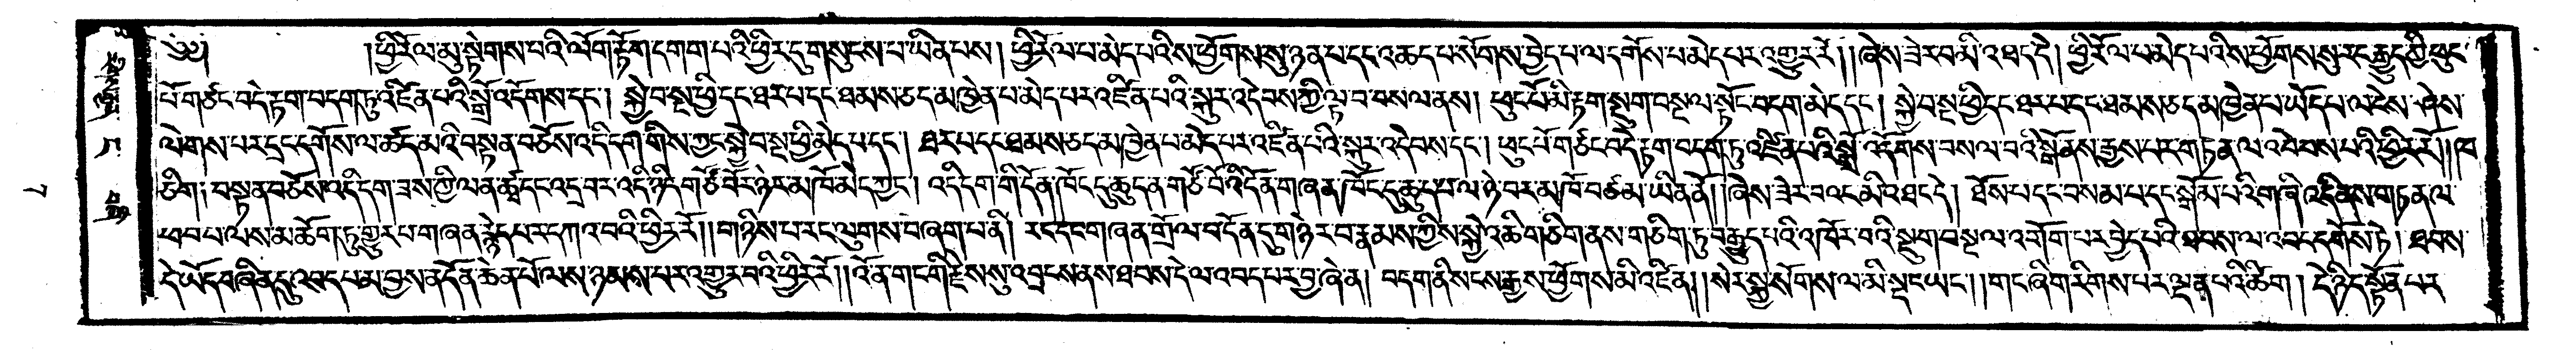༄༅། །ཕྱི་རོལ་མུ་སྟེགས་པའི་ལོག་རྟོག་དགག་པའི་ཕྱིར་དུ་གསུངས་པ་ཡིན་པས། ཕྱི་རོལ་པ་མེད་པའི་ས་ཕྱོགས་སུ་ཉན་པ་དང་འཆད་པ་སོགས་བྱེད་པ་ལ་དགོས་པ་མེད་པར་འགྱུར་རོ། །ཞེས་ཟེར་བ་མི་འཐད་དེ། ཕྱི་རོལ་པ་མེད་པའི་ས་ཕྱོགས་སུ་རང་རྒྱུད་ཀྱི་ཕུང་
པོ་གཙང་བདེ་རྟག་བདག་ཏུ་འཛིན་པའི་སྒྲོ་འདོགས་དང་། སྐྱེ་བ་སྔ་ཕྱི་དང་ཐར་པ་དང་ཐམས་ཅད་མཁྱེན་པ་མེད་པར་འཛིན་པའི་སྐུར་འདེབས་ཀྱི་ལྟ་བ་བསལ་ནས། ཕུང་པོ་མི་རྟག་སྡུག་བསྔལ་སྟོང་བདག་མེད་དང་། སྐྱེ་བ་སྔ་ཕྱི་དང་ཐར་པ་དང་ཐམས་ཅད་མཁྱེན་པ་ཡོད་པ་ལ་ངེས་ཤེས་
ལེགས་པར་དྲང་དགོས་ལ་ཚད་མའི་བསྟན་བཅོས་འདི་དག་གིས་ཀྱང་སྐྱེ་བ་སྔ་ཕྱི་མེད་པ་དང་། ཐར་པ་དང་ཐམས་ཅད་མཁྱེན་པ་མེད་པར་འཛིན་པའི་སྐུར་འདེབས་དང་། ཕུང་པོ་གཙང་བདེ་རྟག་བདག་ཏུ་འཛིན་པའི་སྒྲོ་འདོགས་བསལ་བའི་སྒོ་ནས་རྒྱས་པར་གཏན་ལ་འབེབས་པའི་ཕྱིར་རོ། །ཁ་
ཅིག ༑བསྟན་བཅོས་འདི་དག་ཟས་ཀྱི་ལན་ཚྭ་དང་འདྲ་བར་འདི་ཉིད་གཙོ་བོར་ཉེར་མཁོ་མེད་ཀྱང་། འདི་དག་གི་དོན་ཁོང་དུ་ཆུད་ན་གཙོ་བོའི་དོན་གཞན་ཁོང་དུ་ཆུད་པ་ལ་ཉེ་བར་མཁོ་བ་ཙམ་ཡིན་ནོ། །ཞེས་ཟེར་བའང་མི་འཐད་དེ། ཐོས་པ་དང་བསམ་པ་དང་སྒོམ་པའི་གཞི་འདི་ནས་གཏན་ལ་
ཕབ་པ་ལས་མཆོག་ཏུ་གྱུར་པ་གཞན་རྙེད་པར་དཀའ་བའི་ཕྱིར་རོ། །གཉིས་པ་རང་ལུགས་བཞག་པ་ནི། རང་དང་གཞན་གྲོལ་བ་དོན་དུ་གཉེར་བ་རྣམས་ཀྱིས་སྐྱེ་འཆི་གཅིག་ནས་གཅིག་ཏུ་བརྒྱུད་པའི་འཁོར་བའི་སྡུག་བསྔལ་འགོག་པར་བྱེད་པའི་ཐབས་ལ་འབད་དགོས་ཏེ། ཐབས་
དེ་ཡོད་བཞིན་དུ་འབད་པ་མ་བྱས་ན་དོན་ཆེན་པོ་ལས་ཉམས་པར་འགྱུར་བའི་ཕྱིར་རོ། །འོ་ན་གང་གི་རྗེས་སུ་འབྲངས་ནས་ཐབས་དེ་ལ་འབད་པར་བྱ་ཞེ་ན། བདག་ནི་སངས་རྒྱས་ཕྱོགས་མི་འཛིན། །སེར་སྐྱ་སོགས་ལ་མི་སྡང་ཡང་། །གང་ཞིག་རིགས་པར་ལྡན་པའི་ཚིག །དེ་ཉིད་སྟོན་པར་